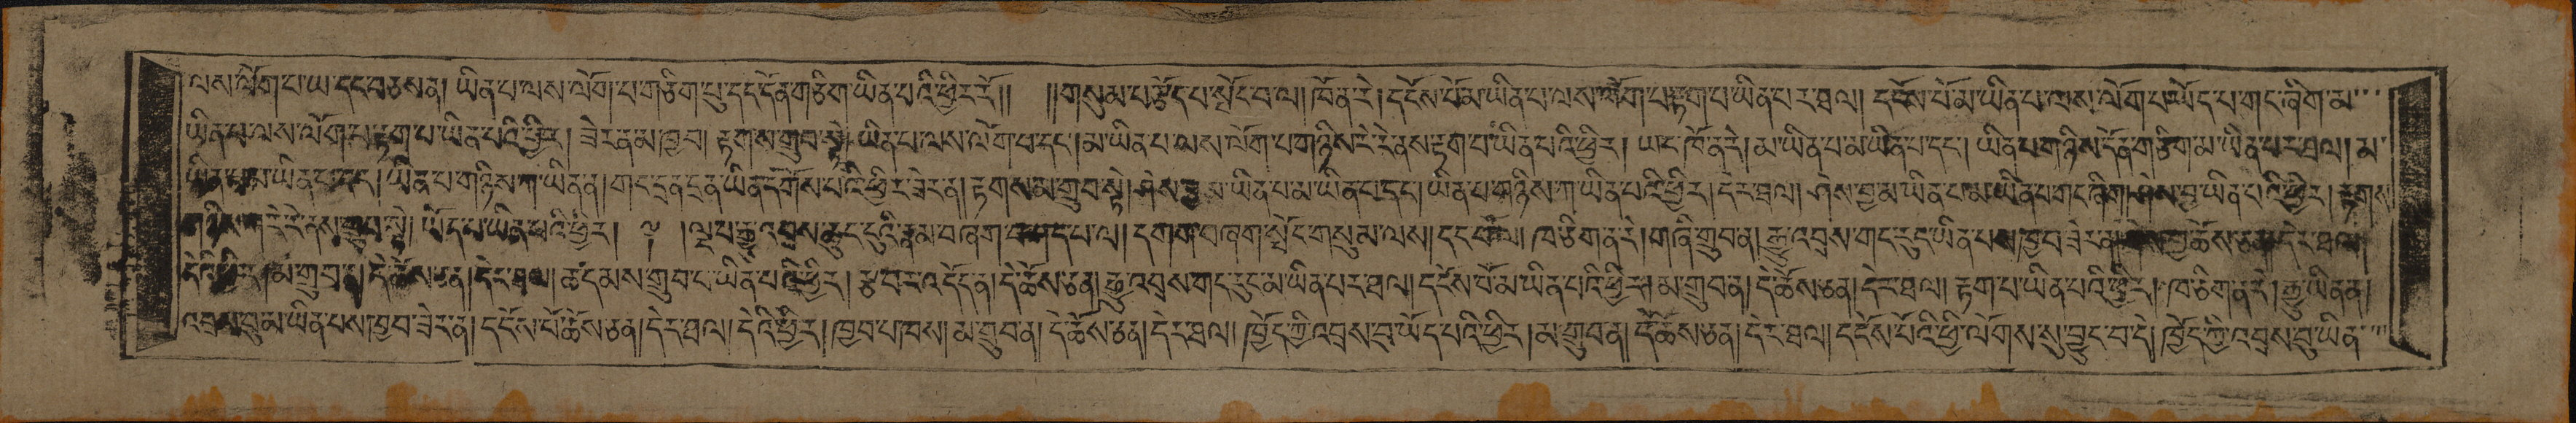ལས་ལོག་པ་ཡ་དང་བཅས་ན། ཡིན་པ་ལས་ལོག་པ་གཅིག་པུ་དང་དོན་གཅིག་ཡིན་པའི་ཕྱིར་རོ།། །།གསུམ་པ་རྩོད་པ་སྤོང་བ་ལ། ཁོ་ན་རེ། དངོས་པོ་མ་ཡིན་པ་ལས་ལོག་པ་རྟག་པ་ཡིན་པར་ཐལ། དངོས་པོ་མ་ཡིན་པ་ལས་ལོག་པ་ཡོད་པ་གང་ཞིག་མ་
ཡིན་པ་ལས་ལོག་པ་རྟག་པ་ཡིན་པའི་ཕྱིར། ཟེར་ན་མ་ཁྱབ། རྟགས་གྲུབ་སྟེ། ཡིན་པ་ལས་ལོག་པ་དང་། མ་ཡིན་པ་ལས་ལོག་པ་གཉིས་རེ་རེ་ནས་རྟག་པ་ཡིན་པའི་ཕྱིར། ཡང་ཁོ་ན་རེ། མ་ཡིན་པ་མ་ཡིན་པ་དང་། ཡིན་པ་གཉིས་དོན་གཅིག་མ་ཡིན་པར་ཐལ། མ་
ཡིན་པ་མ་ཡིན་པ་དང་། ཡིན་པ་གཉིས་ཀ་ཡིན་ན། གང་དྲན་དྲན་ཡིན་དགོས་པའི་ཕྱིར་ཟེར་ན། རྟགས་མ་གྲུབ་སྟེ། ཤེས་བྱ་མ་ཡིན་པ་མ་ཡིན་པ་དང་། ཡིན་པ་གཉིས་ཀ་ཡིན་པའི་ཕྱིར། དེར་ཐལ། ཤེས་བྱ་མ་ཡིན་པ་མ་ཡིན་པ་གང་ཞིག །ཤེས་བྱ་ཡིན་པའི་ཕྱིར། རྟགས་
གཉིས་ཀ་རེ་རེ་ནས་གྲུབ་སྟེ། ཡོད་པ་ཡིན་པའི་ཕྱིར། ༈ །ལྔ་པ་རྒྱུ་འབྲས་ཆུང་ངུའི་རྣམ་བཞག་བཤད་པ་ལ། དགག་བཞག་སྤོང་གསུམ་ལས། དང་པོ་ལ། ཁ་ཅིག་ན་རེ། གཞི་གྲུབ་ན། རྒྱུ་འབྲས་གང་རུང་ཡིན་པས་ཁྱབ་ཟེར་ན། ཤེས་བྱ་ཆོས་ཅན། དེར་ཐལ།
དེའི་ཕྱིར། མ་གྲུབ་ན། དེ་ཆོས་ཅན། དེར་ཐལ། ཚད་མས་གྲུབ་པ་ཡིན་པའི་ཕྱིར། རྩ་བར་འདོད་ན། དེ་ཆོས་ཅན། རྒྱུ་འབྲས་གང་རུང་མ་ཡིན་པར་ཐལ། དངོས་པོ་མ་ཡིན་པའི་ཕྱིར། མ་གྲུབ་ན། དེ་ཆོས་ཅན། དེར་ཐལ། རྟག་པ་ཡིན་པའི་ཕྱིར། ཁ་ཅིག་ན་རེ། རྒྱུ་ཡིན་ན།
འབྲས་བུ་མ་ཡིན་པས་ཁྱབ་ཟེར་ན། དངོས་པོ་ཆོས་ཅན། དེར་ཐལ། དེའི་ཕྱིར། ཁྱབ་པ་ཁས། མ་གྲུབ་ན། དེ་ཆོས་ཅན། དེར་ཐལ། ཁྱོད་ཀྱི་འབྲས་བུ་ཡོད་པའི་ཕྱིར། མ་གྲུབ་ན། དེ་ཆོས་ཅན། དེར་ཐལ། དངོས་པོའི་ཕྱི་ལོགས་སུ་བྱུང་བ་དེ། ཁྱོད་ཀྱི་འབྲས་བུ་ཡིན་